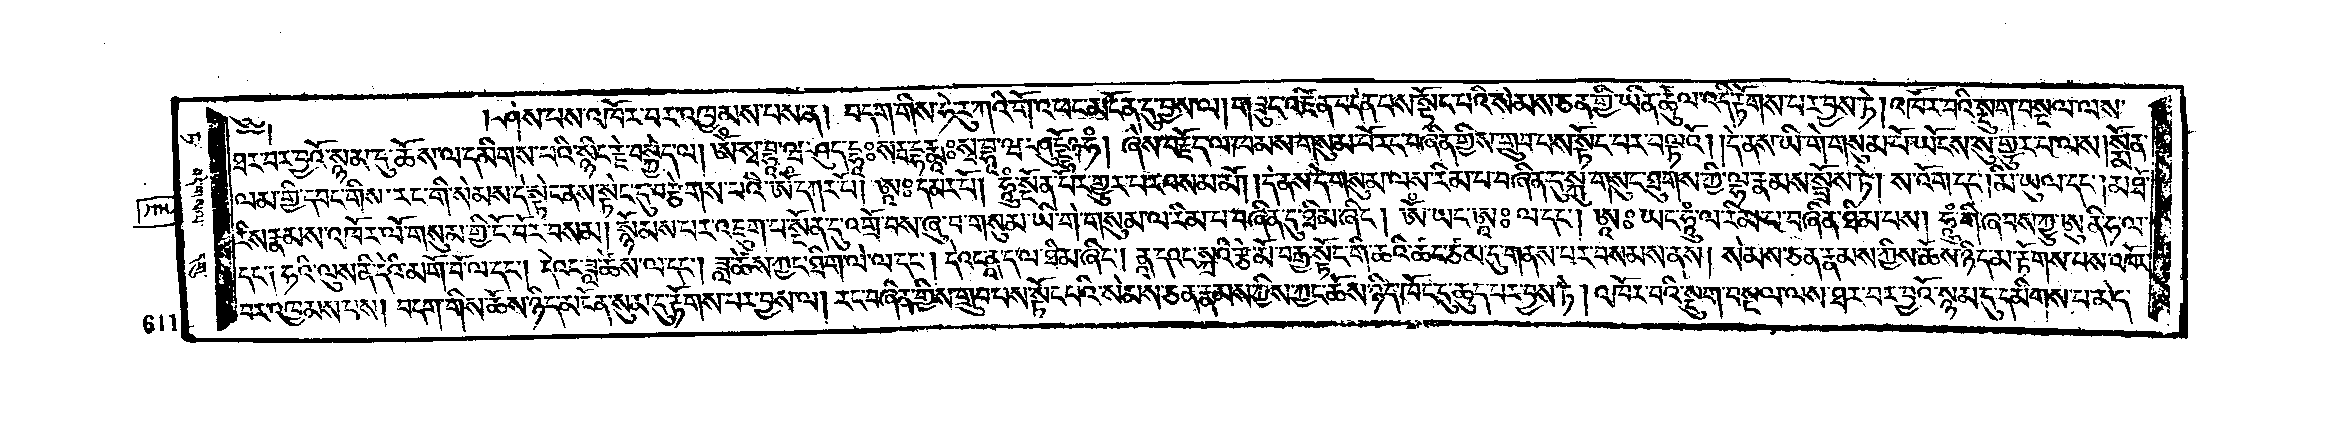༄༅། །ཤེས་པས་འཁོར་བར་འཁྱམས་པས་ན། བདག་གིས་ཧེ་རུ་ཀའི་གོ་འཕང་མངོན་དུ་བྱས་ལ། གཟུང་འཛིན་བདེན་པས་སྟོང་པའི་སེམས་ཅན་གྱི་ཡིན་ཚུལ་འདི་རྟོགས་པར་བྱས་ཏེ། འཁོར་བའི་སྡུག་བསྔལ་ལས་
ཐར་བར་བྱའོ་སྙམ་དུ་ཆོས་ལ་དམིགས་པའི་སྙིང་རྗེ་བསྐྱེད་ལ། ཨོཾ་སྭ་བྷཱ་ཝ་ཤུད་དྷཱཿ སརྦ་དྷརྨཱཿ སྭ་བྷཱ་ཝ་ཤུདྡྷོ་ཉཧཾ། ཞེས་བརྗོད་ལ་ཁམས་གསུམ་པོ་རང་བཞིན་གྱིས་གྲུབ་པས་སྟོང་པར་བལྟའོ། །དེ་ནས་ཡི་གེ་གསུམ་པོ་ཡོངས་སུ་གྱུར་པ་ལས། སྨོན་
ལམ་གྱི་དབང་གིས་རང་གི་སེམས་དེ་སྟེང་ནས་སྟེང་དུ་བརྩེགས་པའི་ཨོཾ་དཀར་པོ། ཨཱཿ དམར་པོ། ཧཱུཾ་སྔོན་པོར་གྱུར་པར་བསམ་མོ། །དེ་ནས་དེ་གསུམ་ལས་རིམ་པ་བཞིན་དུ་སྐུ་གསུང་ཐུགས་ཀྱི་ལྷ་རྣམས་སྤྲོས་ཏེ། ས་འོག་དང་། མི་ཡུལ་དང་། མཐོ་
རིས་རྣམས་འཁོར་ལོ་གསུམ་གྱི་ངོ་བོར་བསམ། སྙོམས་པར་འཇུག་པ་སྔོན་དུ་འགྲོ་བས་ཞུ་བ་གསུམ་ཡི་གེ་གསུམ་ལ་རིམ་པ་བཞིན་དུ་ཐིམ་ཞིང་། ཨོཾ་ཡང་ཨཱཿ ལ་དང་། ཨཱཿ ཡང་ཧཱུཾ་ལ་རིམ་པ་བཞིན་ཐིམ་པས། ཧཱུཾ་གི་ཞབས་ཀྱུ་ཨུ་ནི་ཧ་ལ་
དང་། ཧའི་ལུས་ནི་དེའི་མགོ་བོ་ལ་དང་། དེའང་ཟླ་ཚེས་ལ་དང་། ཟླ་ཚེས་ཀྱང་ཐིག་ལེ་ལ་དང་། དེའང་ནཱ་ད་ལ་ཐིམ་ཞིང་། ནཱ་དའང་སྐྲའི་རྩེ་མོ་བརྒྱ་སྟོང་གི་ཆའི་ཚང་ཙམ་དུ་གནས་པར་བསམས་ནས། སེམས་ཅན་རྣམས་ཀྱིས་ཆོས་ཉིད་མ་རྟོགས་པས་འཁོར་
བར་འཁྱམས་པས། བདག་གིས་ཆོས་ཉིད་མངོན་སུམ་དུ་རྟོགས་པར་བྱས་ལ། རང་བཞིན་གྱིས་གྲུབ་པས་སྟོང་པའི་སེམས་ཅན་རྣམས་ཀྱིས་ཀྱང་ཆོས་ཉིད་ཁོང་དུ་ཆུད་པར་བྱས་ཏེ། འཁོར་བའི་སྡུག་བསྔལ་ལས་ཐར་བར་བྱའོ་སྙམ་དུ་དམིགས་པ་མེད་